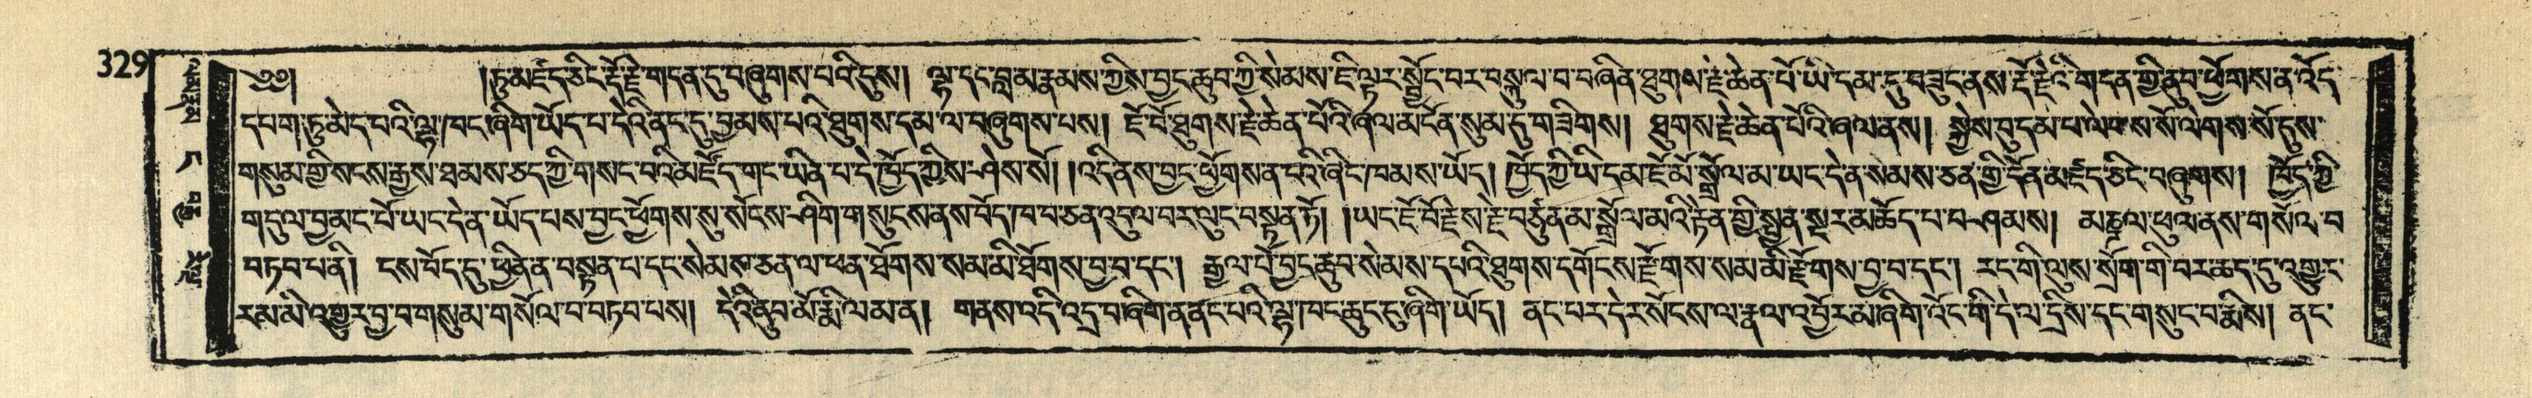༄༅། །ཏུ་མཛད་ཅིང་རྡོ་རྗེ་གདན་དུ་བཞུགས་པའི་དུས། ལྷ་དང་བླ་མ་རྣམས་ཀྱིས་བྱང་ཆུབ་ཀྱི་སེམས་ཇི་ལྟར་སྦྱོང་བར་བསྐུལ་བ་བཞིན་ཐུགས་རྗེ་ཆེན་པོ་ཡི་དམ་དུ་བཟུང་ནས་རྡོ་རྗེའི་གདན་གྱི་ནུབ་ཕྱོགས་ན་འོད་
དཔག་ཏུ་མེད་པའི་ལྷ་ཁང་ཞིག་ཡོད་པ་དེའི་ནང་དུ་བྱམས་པའི་ཐུགས་དམ་ལ་བཞུགས་པས། ཇོ་བོ་ཐུགས་རྗེ་ཆེན་པོའི་ཞལ་མངོན་སུམ་དུ་གཟིགས། ཐུགས་རྗེ་ཆེན་པོའི་ཞལ་ནས། སྐྱེས་བུ་དམ་པ་ལེགས་སོ་ལེགས་སོ་དུས་
གསུམ་གྱི་སངས་རྒྱས་ཐམས་ཅད་ཀྱི་གསང་བའི་མཛོད་གང་ཡིན་པ་དེ་ཁྱོད་ཀྱིས་ཤེས་སོ། །འདི་ནས་བྱང་ཕྱོགས་ན་ངའི་ཞིང་ཁམས་ཡོད། ཁྱོད་ཀྱི་ཡི་དམ་ཇོ་མོ་སྒྲོལ་མ་ཡང་དེ་ན་སེམས་ཅན་གྱི་དོན་མཛད་ཅིང་བཞུགས། ཁྱོད་ཀྱི་
གདུལ་བྱ་མང་པོ་ཡང་དེ་ན་ཡོད་པས་བྱང་ཕྱོགས་སུ་སོངས་ཤིག་གསུངས་ནས་བོད་ཁ་བ་ཅན་འདུལ་བར་ལུང་བསྟན་ཏོ། །ཡང་ཇོ་བོ་རྗེས་རྗེ་བཙུན་མ་སྒྲོལ་མའི་རྟེན་གྱི་སྤྱན་སྔར་མཆོད་པ་བཤམས། མཎྜལ་ཕུལ་ནས་གསོལ་བ་
བཏབ་པ་ནི། ངས་བོད་དུ་ཕྱིན་ན་བསྟན་པ་དང་སེམས་ཅན་ལ་ཕན་ཐོགས་སམ་མི་ཐོགས་བྱ་བ་དང་། རྒྱལ་པོ་བྱང་ཆུབ་སེམས་དཔའི་ཐུགས་དགོངས་རྫོགས་སམ་མི་རྫོགས་བྱ་བ་དང་། རང་གི་ལུས་སྲོག་གི་བར་ཆད་དུ་འགྱུར་
རམ་མི་འགྱུར་བྱ་བ་གསུམ་གསོལ་བ་བཏབ་པས། དེའི་ནུབ་མོ་རྨི་ལམ་ན། གནས་འདི་འདྲ་བ་ཞིག་ན་ནང་པའི་ལྷ་ཁང་ཆུང་དུ་ཞིག་ཡོད། ནང་པར་དེར་སོངས་ལ་རྣལ་འབྱོར་མ་ཞིག་འོང་གི་དེ་ལ་དྲིས་དང་གསུང་བ་རྨིས། ནང་